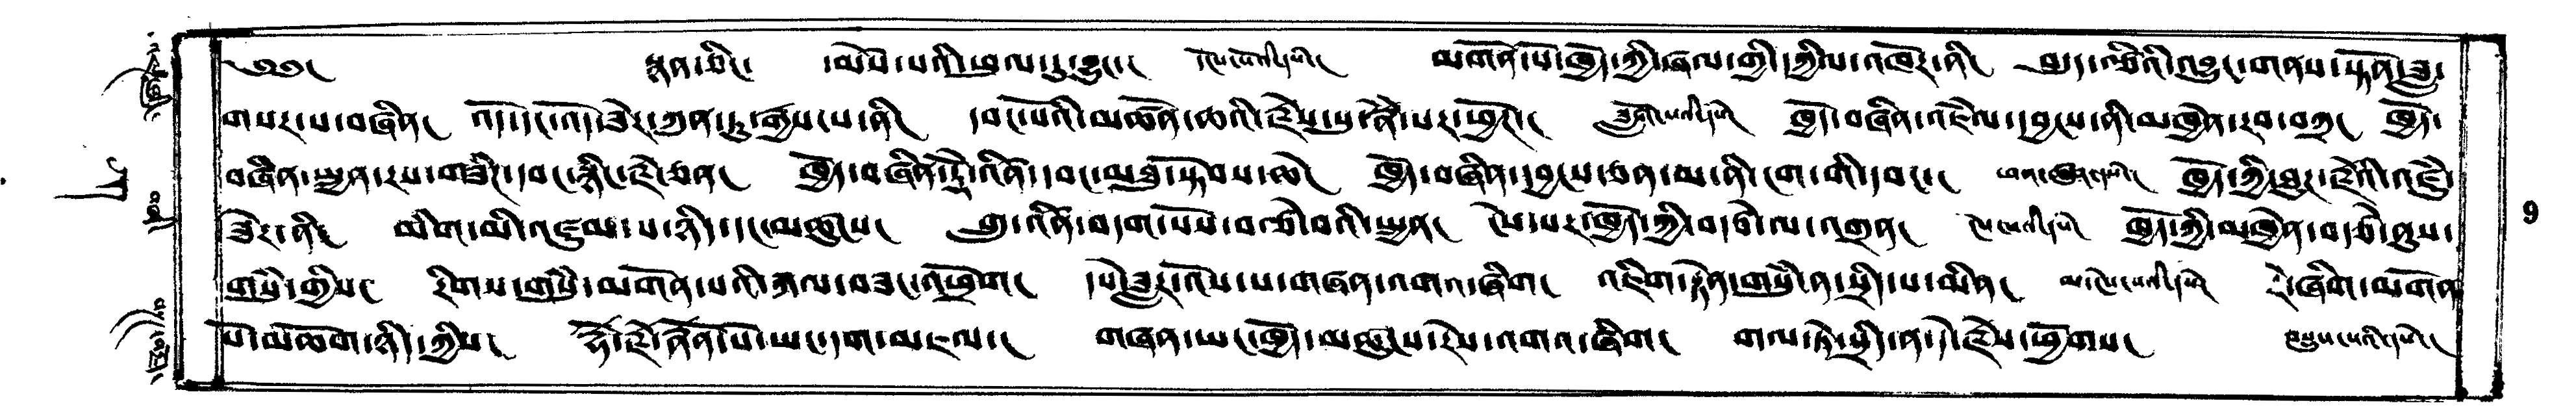།སྙན་ཞིང་འཇེབས་པའི་ཕུལ་དུ་བྱུང་། ། དངོས་པོའི་དཔེ། མགོན་པོ་ཁྱོད་ཀྱི་ཞལ་གྱི་དཀྱིལ་འཁོར་ནི། །བདུད་རྩིའི་འབྱུང་གནས་སྟོན་ཟླ་
གསར་པ་བཞིན། །འོད་དང་འོད་ཟེར་ཀུན་ཏུ་རྒྱས་པ་ནི། །དབང་པོའི་མཚོན་ཆའི་རྗེས་སུ་རྣམ་པར་ཕྱོགས། །ཟློག་པའི་དཔེ། ཁྱོད་བཞིན་འཇམ་དཔལ་དབྱངས་ནི་མཁྱེན་རབ་བཀྲ། །ཁྱོད་
བཞིན་སྤྱན་རས་གཟིགས་དབང་སྙིང་རྗེ་ཅན། །ཁྱོད་བཞིན་རྡོ་རྗེ་འཛིན་དབང་མཐུ་སྟོབས་ཆེ། །ཁྱོད་བཞིན་དབྱངས་ཅན་མ་ནི་ངག་གི་དབང་། ། ཕན་ཚུན་དཔེ། ཁྱོད་ཀྱི་ཐུགས་རྗེའི་འཛུམ་
ཟེར་ནི། །མིག་མི་འཛུམ་པ་ཉིད་དང་མཚུངས། །གྲུ་འཛིན་བདག་པོས་བརྩེ་བའི་སྤྱན། །ངེས་པར་ཁྱོད་ཀྱི་བརྩེ་ལ་འགྲན། ། ངེས་པའི་དཔེ། ཁྱོད་ཀྱི་མཁྱེན་བརྩེ་ནུས་
གསུམ་གྱིས། །རིགས་གསུམ་མགོན་པོའི་སྐལ་བཟང་ཕྲོགས། །དཔེ་ཟླར་འོས་པ་གཞན་འགའ་ཞིག །འཇིག་རྟེན་གསུམ་ན་སྲིད་པ་མིན། ། མ་ངེས་པའི་དཔེ། རེ་ཞིག་མགོན་
པོ་མཆོག་ཉིད་ཀྱིས། །རྡོ་རྗེ་རྣོན་པོ་ཡང་དག་མཇལ། །གཞན་ཡང་ཁྱོད་མཚུངས་རེས་འགའ་ཞིག གལ་ཏེ་སྲིད་ན་དེ་རྗེས་ཕྱོགས། ། བསྡུས་པའི་དཔེ།